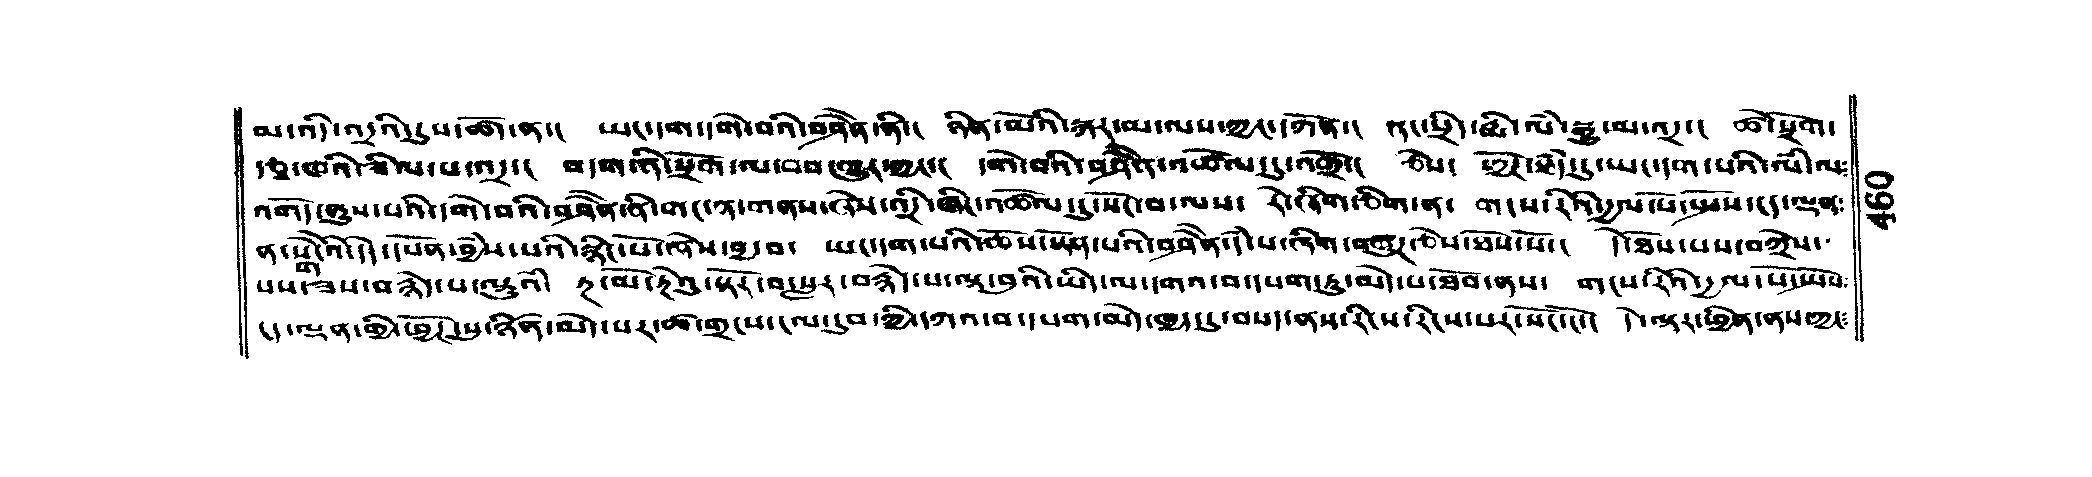མ་འདི་འདྲའི་དུས་ཚོད་ན། །ཡང་དག་དགེ་བའི་བཤེས་གཉེན་ནི། །ཉིན་མོའི་སྐར་མ་ལས་ཀྱང་དཀོན། །སྣང་སྲིད་རྨི་ལམ་སྒྱུ་མ་འདྲ། །ཚེ་སྲོག་
རྩྭ་ཁའི་ཟིལ་པ་འདྲ། །བདག་ནི་སྲོག་ལ་བབ་གྱུར་ཀྱང་། །དགེ་བའི་བཤེས་གཉེན་འཚོལ་དུ་འགྲོ། ཞེས་ཕྱོགས་ཐམས་ཅད་དུ་ཡང་དག་པའི་ལམ་ལ་
འགོད་ནུས་པའི་དགེ་བའི་བཤེས་གཉེན་ནི་གང་ན་གནས་ཞེས་འདྲི་ཞིང་འཚོལ་དུ་སོང་བ་ལས། རེ་ཞིག་ན། གངས་རིའི་རྒྱལ་པོ་སྤོས་ངད་ལྡན་
ན་སེངྒེའི་དེད་དཔོན་བྱམས་པའི་སྙིང་པོ་ཞེས་བྱ་བ། ཡང་དག་པའི་ཆོས་སྟོན་པའི་བཤེས་གཉེན་དམ་པ་ཞིག་བཞུགས་ཅེས་ཐོས་སོ། དེ་ཐོས་པས་བཀྲེས་
པས་ཟས་བརྙེད་པ་ལྟ་བུའམ། རྔ་མོ་རྔེའུ་སྟོར་བ་སླར་བརྙེད་པ་ལྟ་བུའི་ཡིད་ལ་དགའ་བ་དཔག་ཏུ་མེད་པ་ཐོབ་ནས། གངས་རིའི་རྒྱལ་པོ་སྤོས་
ངད་ལྡན་གྱི་ཕྱོགས་སུ་ཉིན་མཚན་མེད་པར་ཚ་གྲང་ངལ་དུབ་ཀྱི་དཀའ་བ་དཔག་མེད་ཁྱད་དུ་བསད་ནས་རིངས་རིངས་པར་སོང་ངོ་། དེ་ལྟར་ཕྱིན་ནས་ཀྱང་